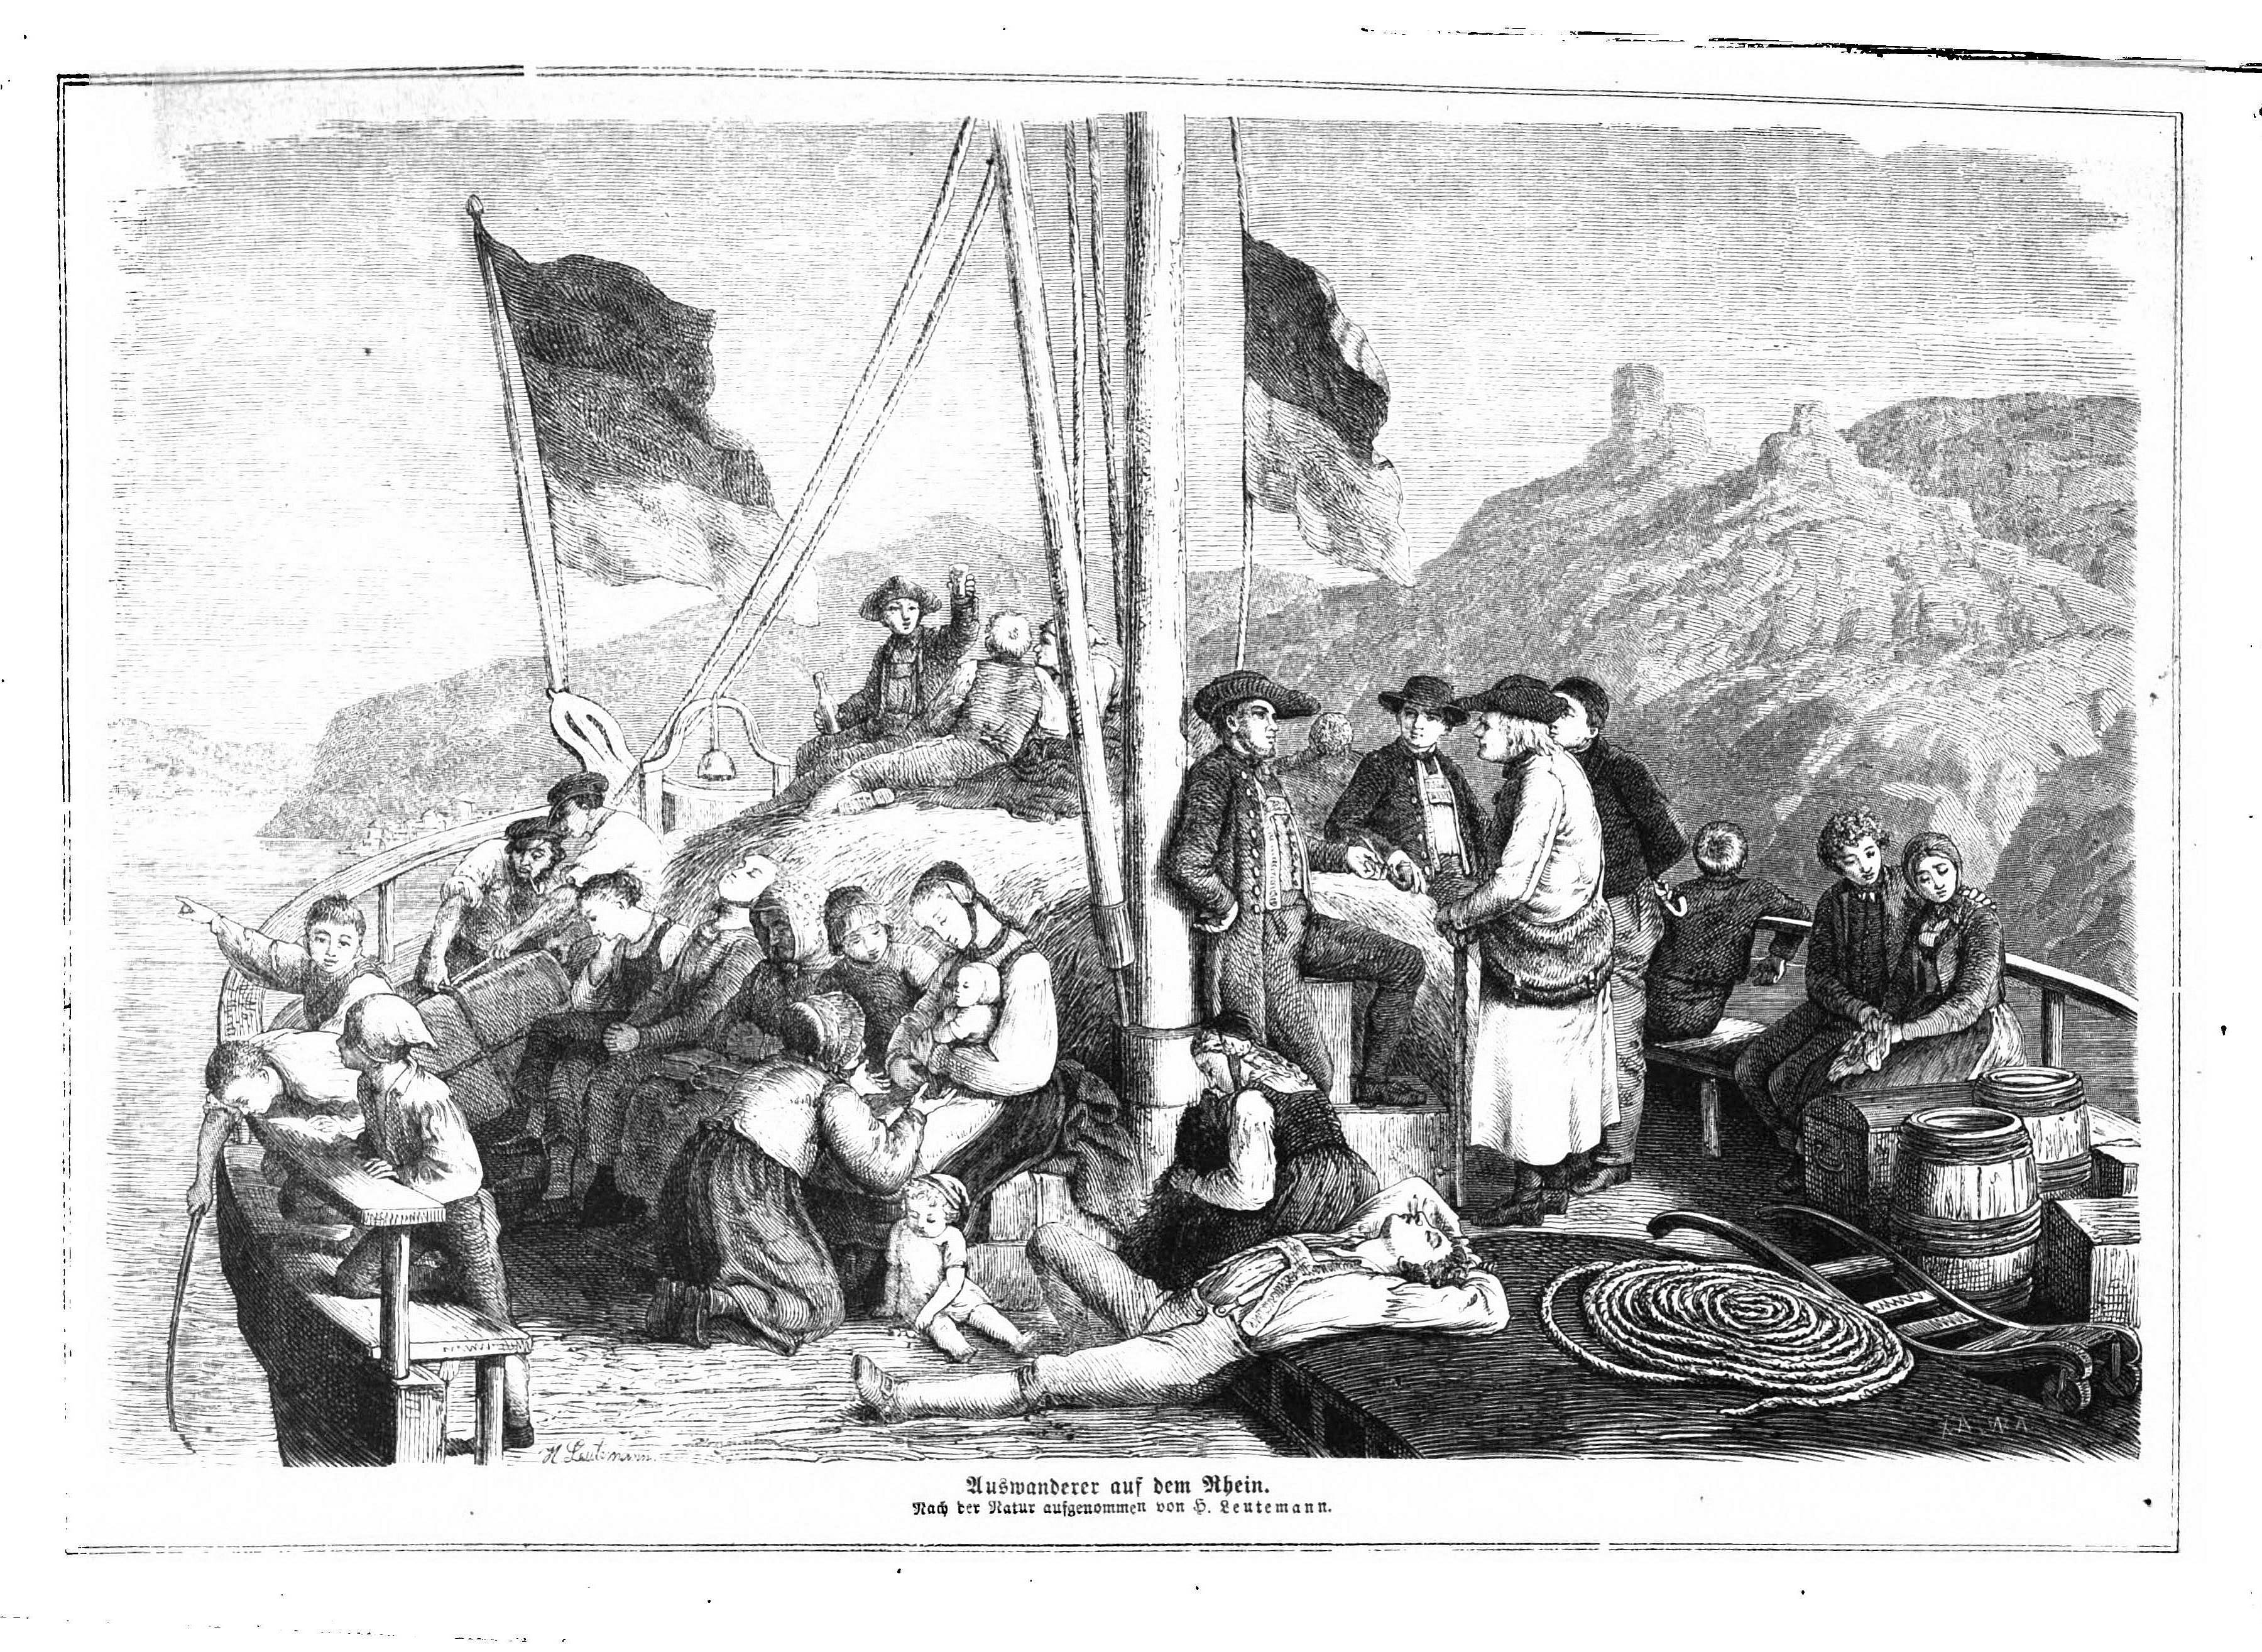Auswanderer auf dem Rhein.
Nach der Natur aufgenommen von H. Leutemann.
